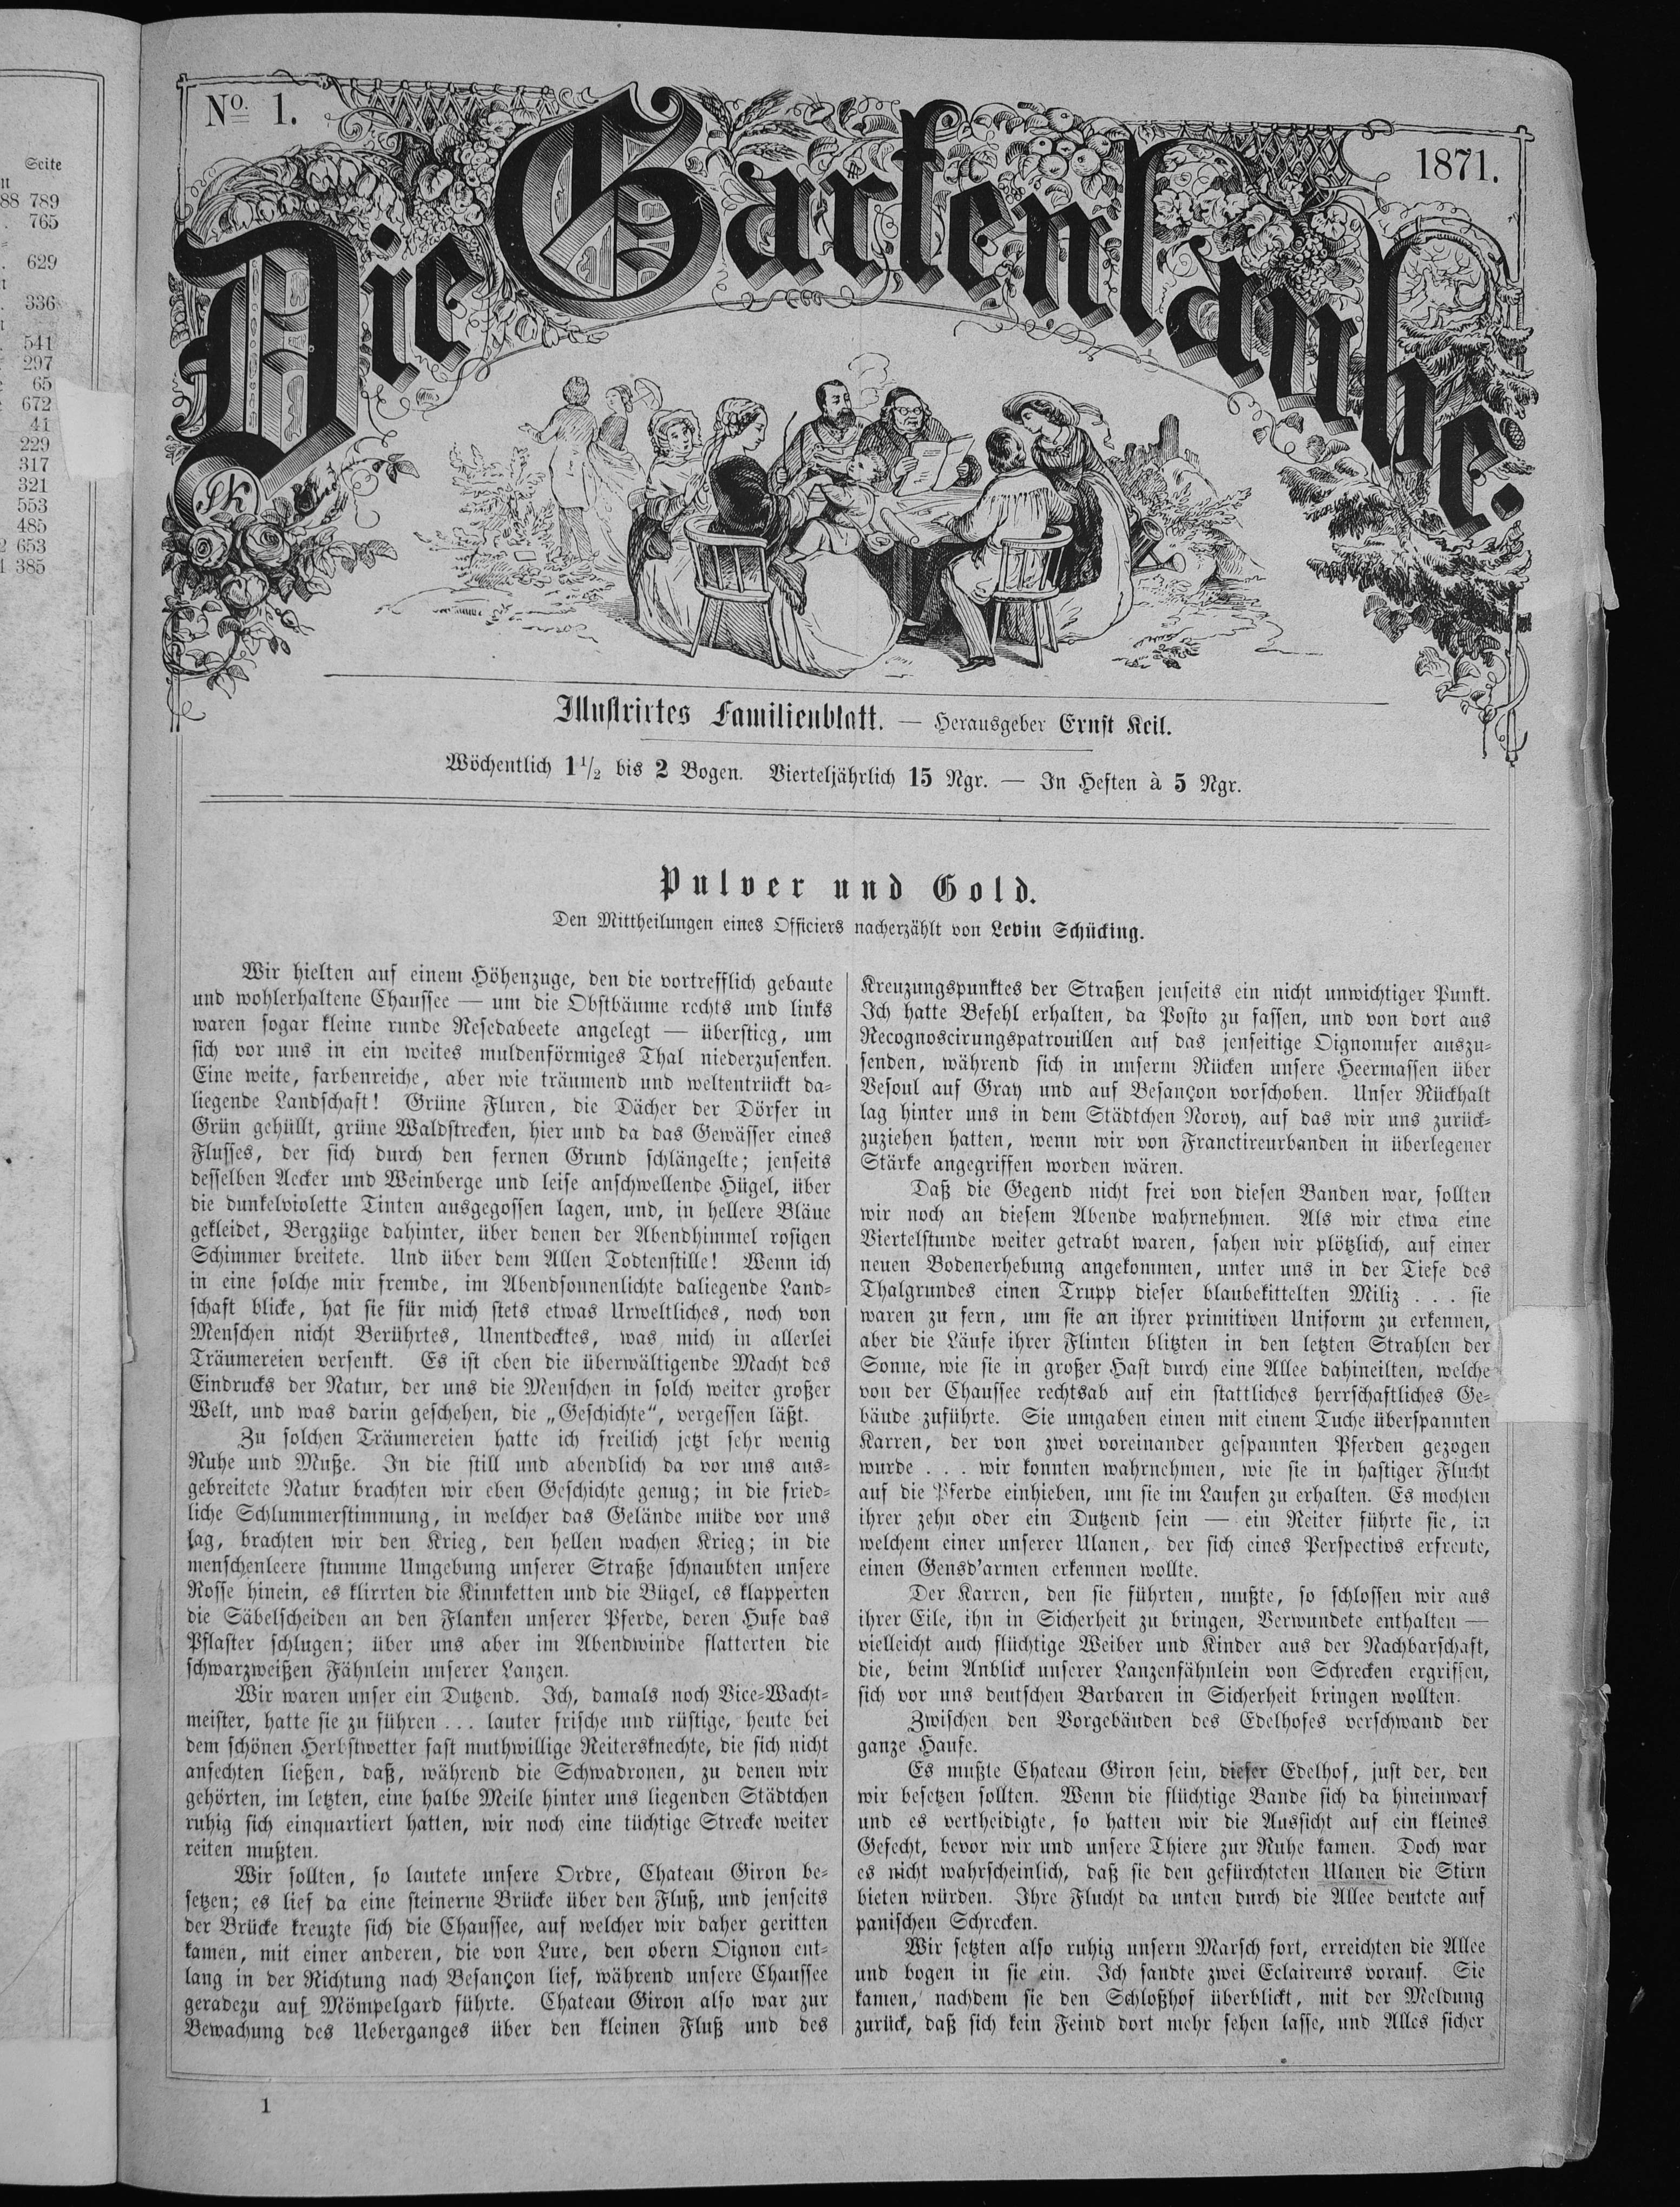No. 1. 1871.
Die Gartenlaube.
Illustrirtes Familienblatt. – Herausgeber Ernst Keil.

Wöchentlich 1½ bis 2 Bogen. Vierteljährlich 15 Ngr. – In Heften à 5 Ngr.

Pulver und Gold.
Den Mittheilungen eines Officiers nacherzählt von Levin Schücking.

Wir hielten auf einem Höhenzuge, den die vortrefflich gebaute und wohlerhaltene Chaussee – um die Obstbäume rechts und links waren sogar kleine runde Resedabeete angelegt – überstieg, um sich vor uns in ein weites muldenförmiges Thal niederzusenken. Eine weite, farbenreiche, aber wie träumend und weltentrückt daliegende Landschaft! Grüne Fluren, die Dächer der Dörfer in Grün gehüllt, grüne Waldstrecken, hier und da das Gewässer eines Flusses, der sich durch den fernen Grund schlängelte; jenseits desselben Aecker und Weinberge und leise anschwellende Hügel, über die dunkelviolette Tinten ausgegossen lagen, und, in hellere Bläue gekleidet, Bergzüge dahinter, über denen der Abendhimmel rosigen Schimmer breitete. Und über dem Allen Todtenstille! Wenn ich in eine solche mir fremde, im Abendsonnenlichte daliegende Landschaft blicke, hat sie für mich stets etwas Urweltliches, noch von Menschen nicht Berührtes, Unentdecktes, was mich in allerlei Träumereien versenkt. Es ist eben die überwältigende Macht des Eindrucks der Natur, der uns die Menschen in solch weiter großer Welt, und was darin geschehen, die „Geschichte“, vergessen läßt.

Zu solchen Träumereien hatte ich freilich jetzt sehr wenig Ruhe und Muße. In die still und abendlich da vor uns ausgebreitete Natur brachten wir eben Geschichte genug; in die friedliche Schlummerstimmung, in welcher das Gelände müde vor uns lag, brachten wir den Krieg, den hellen wachen Krieg; in die menschenleere stumme Umgebung unserer Straße schnaubten unsere Rosse hinein, es klirrten die Kinnketten und die Bügel, es klapperten die Säbelscheiden an den Flanken unserer Pferde, deren Hufe das Pflaster schlugen; über uns aber im Abendwinde flatterten die schwarzweißen Fähnlein unserer Lanzen.

Wir waren unser ein Dutzend. Ich, damals noch Vice-Wachtmeister, hatte sie zu führen … lauter frische und rüstige, heute bei dem schönen Herbstwetter fast muthwillige Reitersknechte, die sich nicht anfechten ließen, daß, während die Schwadronen, zu denen wir gehörten, im letzten, eine halbe Meile hinter uns liegenden Städtchen ruhig sich einquartiert hatten, wir noch eine tüchtige Strecke weiter reiten mußten.

Wir sollten, so lautete unsere Ordre, Chateau Giron besetzen; es lief da eine steinerne Brücke über den Fluß, und jenseits der Brücke kreuzte sich die Chaussee, auf welcher wir daher geritten kamen, mit einer anderen, die von Lure, den obern Oignon entlang in der Richtung nach Befangen lief, während unsere Chaussee geradezu auf Mömpelgard führte. Chateau Giron also war zur Bewachung des Ueberganges über den kleinen Fluß und des Kreuzungspunktes der Straßen jenseits ein nicht unwichtiger Punkt. Ich hatte Befehl erhalten, da Posto zu fassen, und von dort aus Recognoscirungspatrouillen auf das jenseitige Oignonufer auszusenden, während sich in unserm Rücken unsere Heermassen über Besoul auf Gray und auf Besançon vorschoben. Unser Rückhalt lag hinter uns in dem Städtchen Noroy, auf das wir uns zurückzuziehen hatten, wenn wir von Franctireurbanden in überlegener Stärke angegriffen worden wären.

Daß die Gegend nicht frei von diesen Banden war, sollten wir noch ein diesem Abende wahrnehmen. Als wir etwa eine Viertelstunde weiter getrabt waren, sahen wir plötzlich, auf einer neuen Bodenerhebung angekommen, unter uns in der Tiefe des Thalgrundes einem Trupp dieser blaubekittelten Miliz … sie waren zu fern, um sie an ihrer primitiven Uniform zu erkennen, aber die Läufe ihrer Flinten blitzen in den letzten Strahlen der Sonne, wie sie in großer Hast durch eine Allee dahineilten, welche von der Chaussee rechtsab auf ein stattliches herrschaftliches Gebäude zuführte. Sie umgaben einen mit einem Tuche überspannten Karren, der von zwei voreinander gespannten Pferden gezogen wurde … wir konnten wahrnehmen, wie sie in hastiger Flucht auf die Pferde einhieben, um sie im Laufen zu erhalten. Es mochten ihrer zehn oder ein Dutzend sein – ein Reiter führte sie, in welchem einer unserer Ulanen, der sich eines Perspectivs erfreute, einen Gensd’armen erkennen wollte.

Der Karren, den sie führten, mußte, so schlossen wir aus ihrer Eile, ihn in Sicherheit zu bringen, Verwundete enthalten – vielleicht auch flüchtige Weiber und Kinder aus der Nachbarschaft, die, beim Anblick unserer Lanzenfähnlein von Schrecken ergriffen, sich vor uns deutschen Barbaren in Sicherheit bringen wollten.

Zwischen den Vorgebäuden des Edelhofes verschwand der ganze Haufe.

Es mußte Chateau Giron sein, dieser Edelhof, just der, den wir besetzen sollten. Wenn die flüchtige Bande sich da hineinwarf und es vertheidigte, so hatten wir die Aussicht auf ein kleines Gefecht, bevor wir und unsere Thiere zur Ruhe kamen. Doch war es nicht wahrscheinlich, daß sie den gefürchteten Ulanen die Stirn bieten würden. Ihre Flucht da unten durch die Allee deutete auf panischen Schrecken.

Wir setzten also ruhig unsern Marsch fort, erreichten die Allee und bogen in sie ein. Ich sandte zwei Eclaireurs vorauf. Sie kamen, nachdem sie den Schloßhof überblickt, mit der Meldung zurück, daß sich kein Feind dort mehr sehen lasse, und Alles sicher
